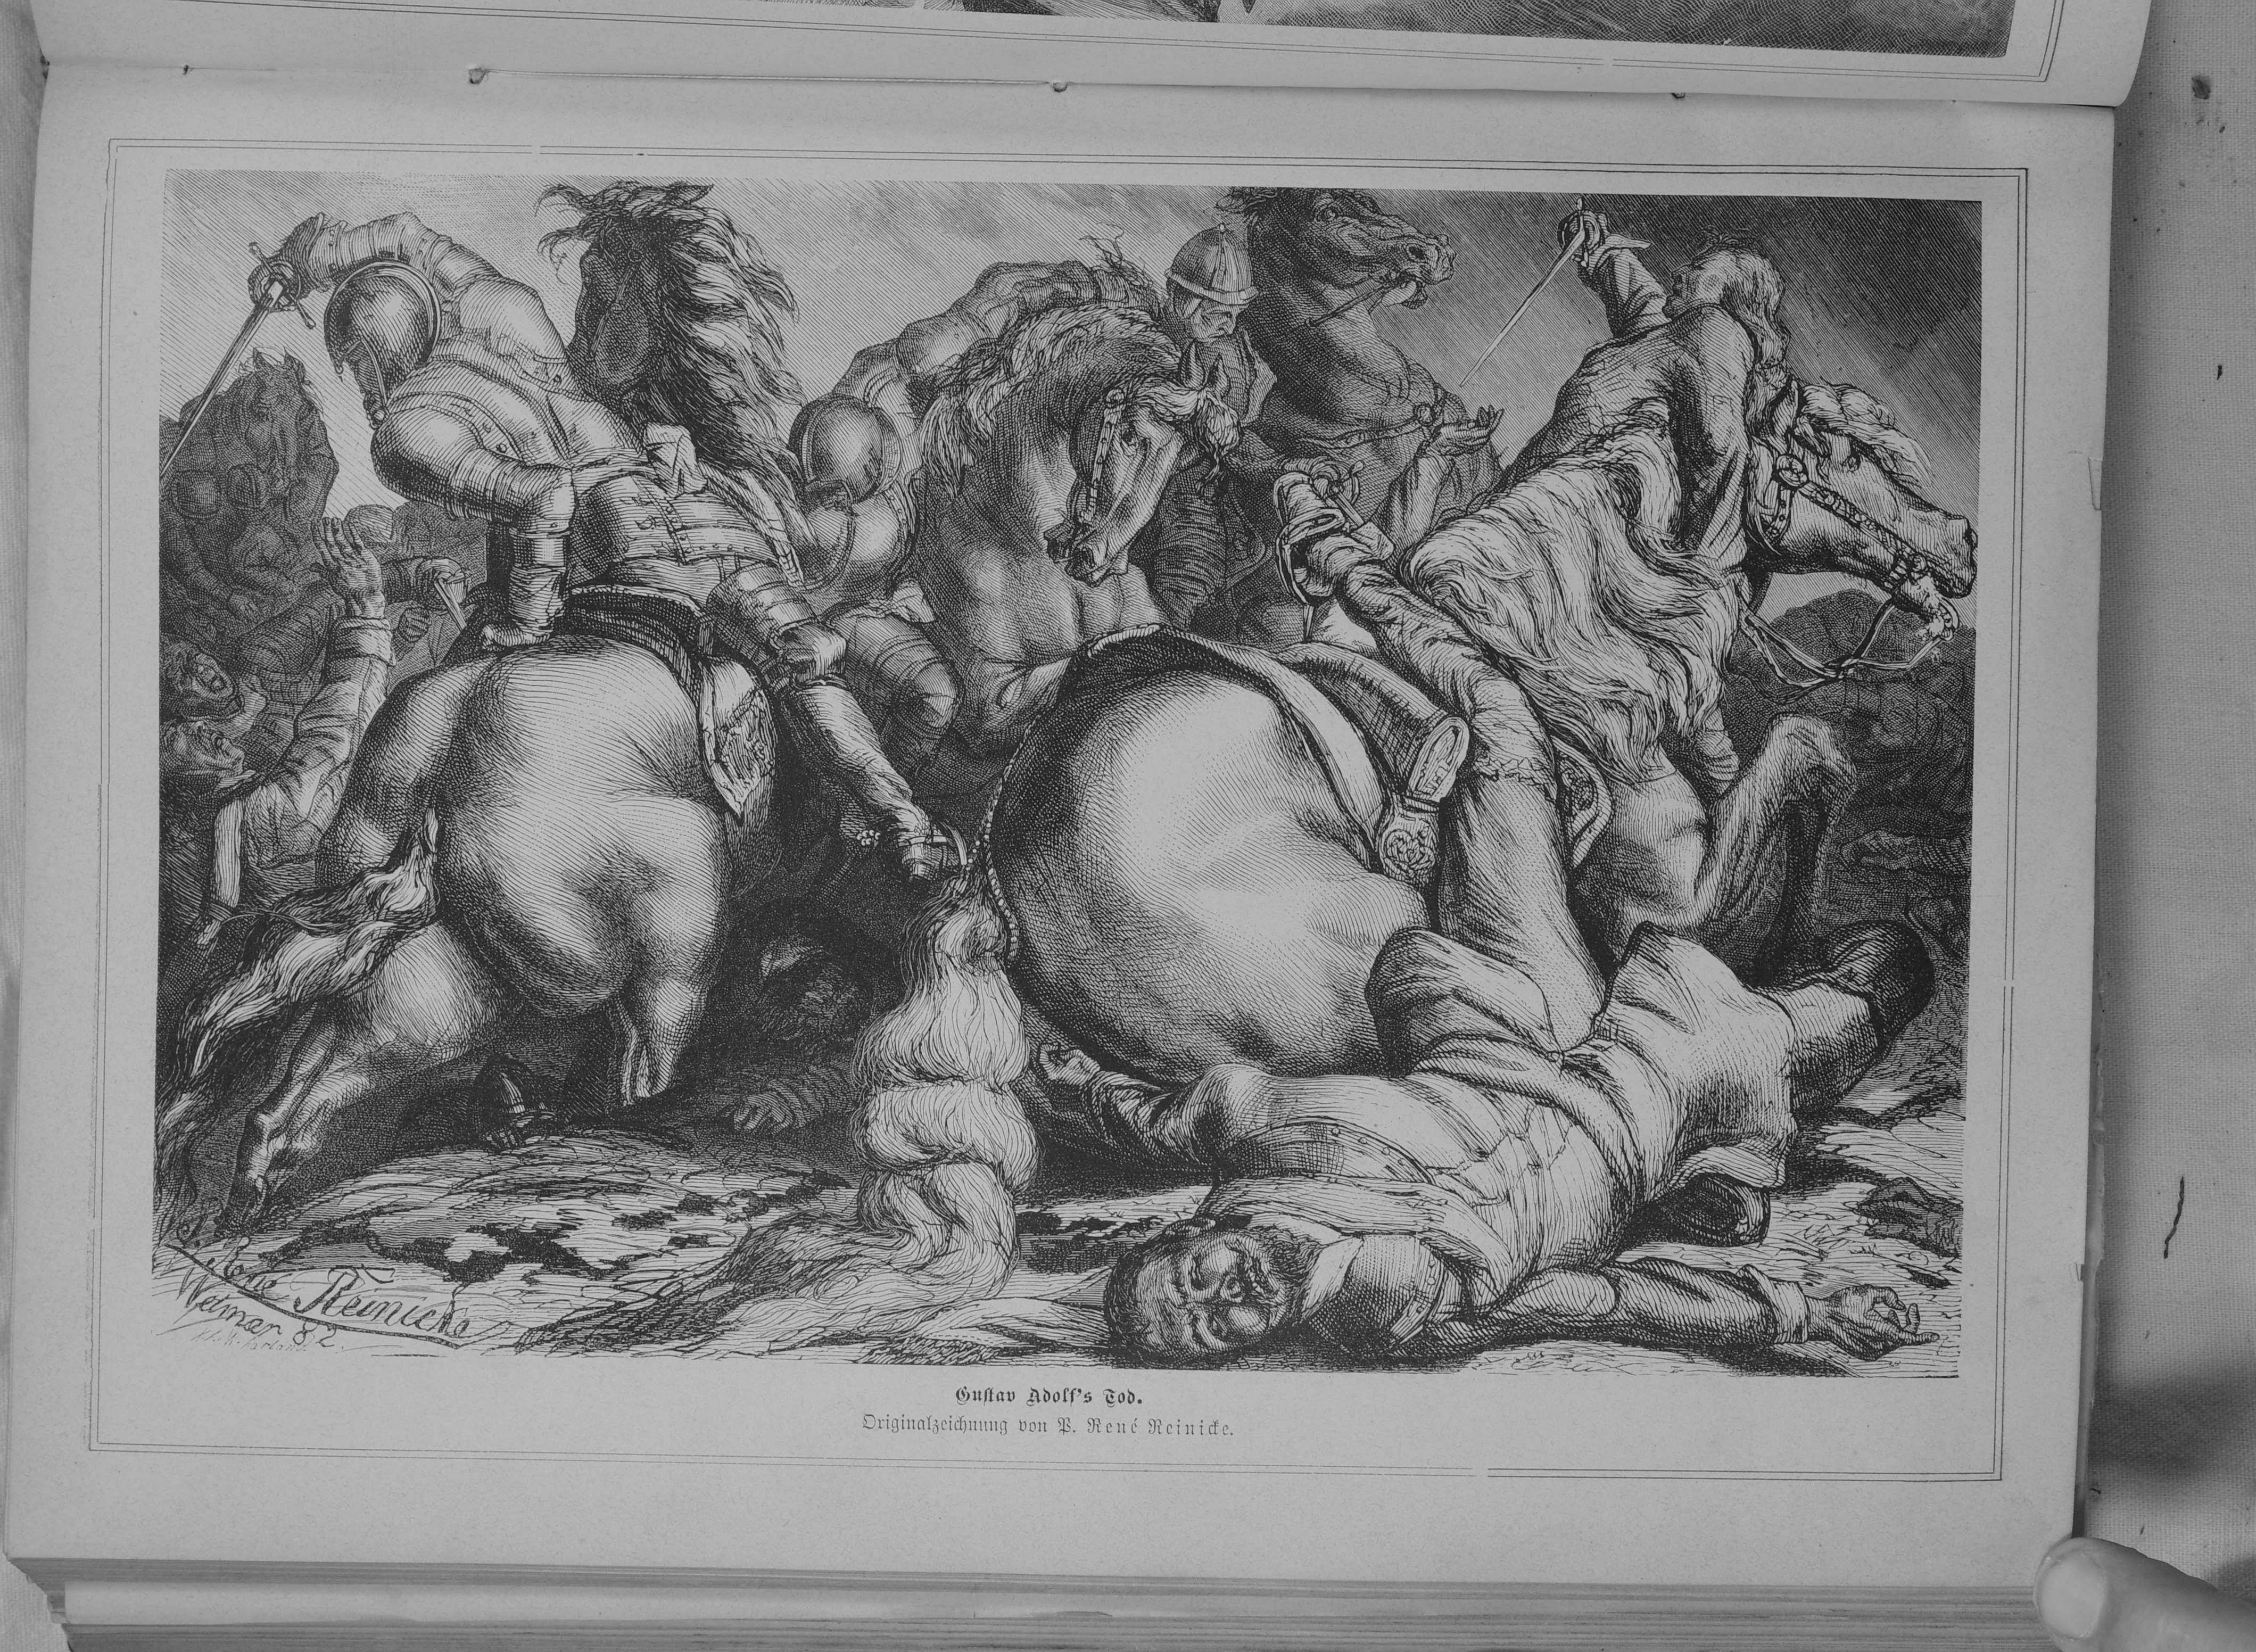Gustav Adolf’s Tod.
Originalzeichnung von P. René Reinicke.
